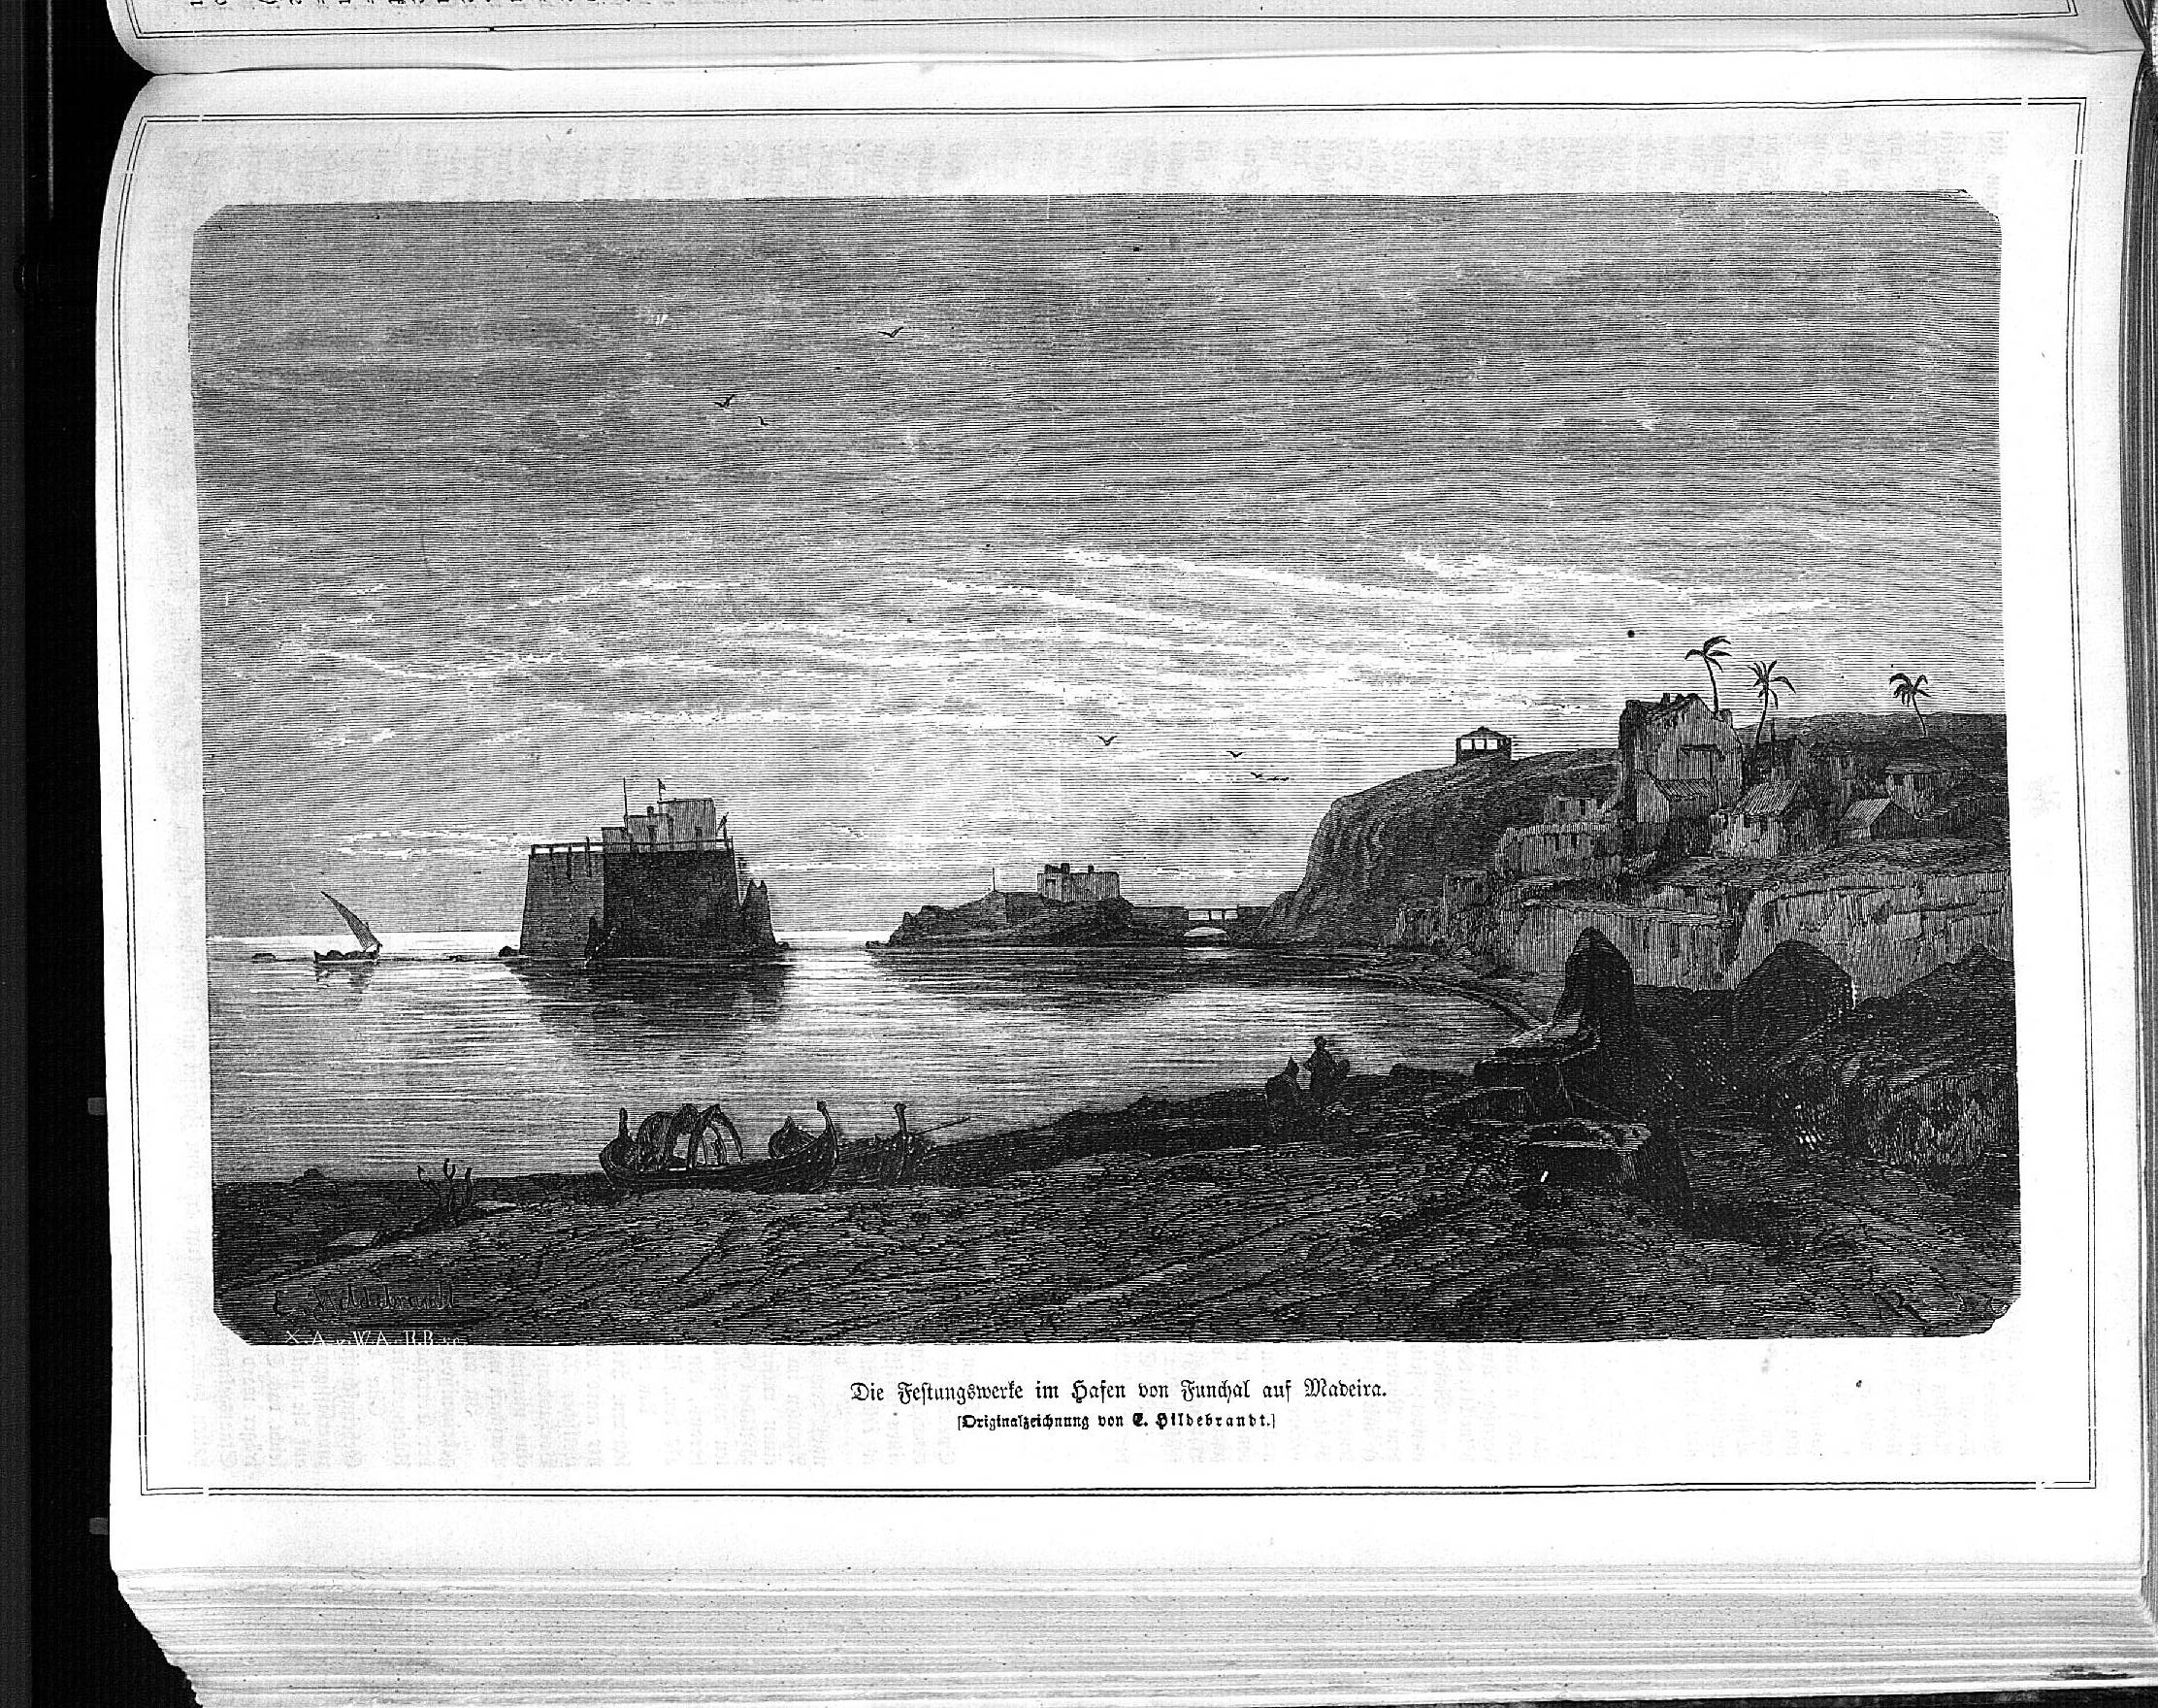Die Festungswerke im Hafen von Funchal auf Madeira.
(Originalzeichnung von E. Hildebrandt.)
